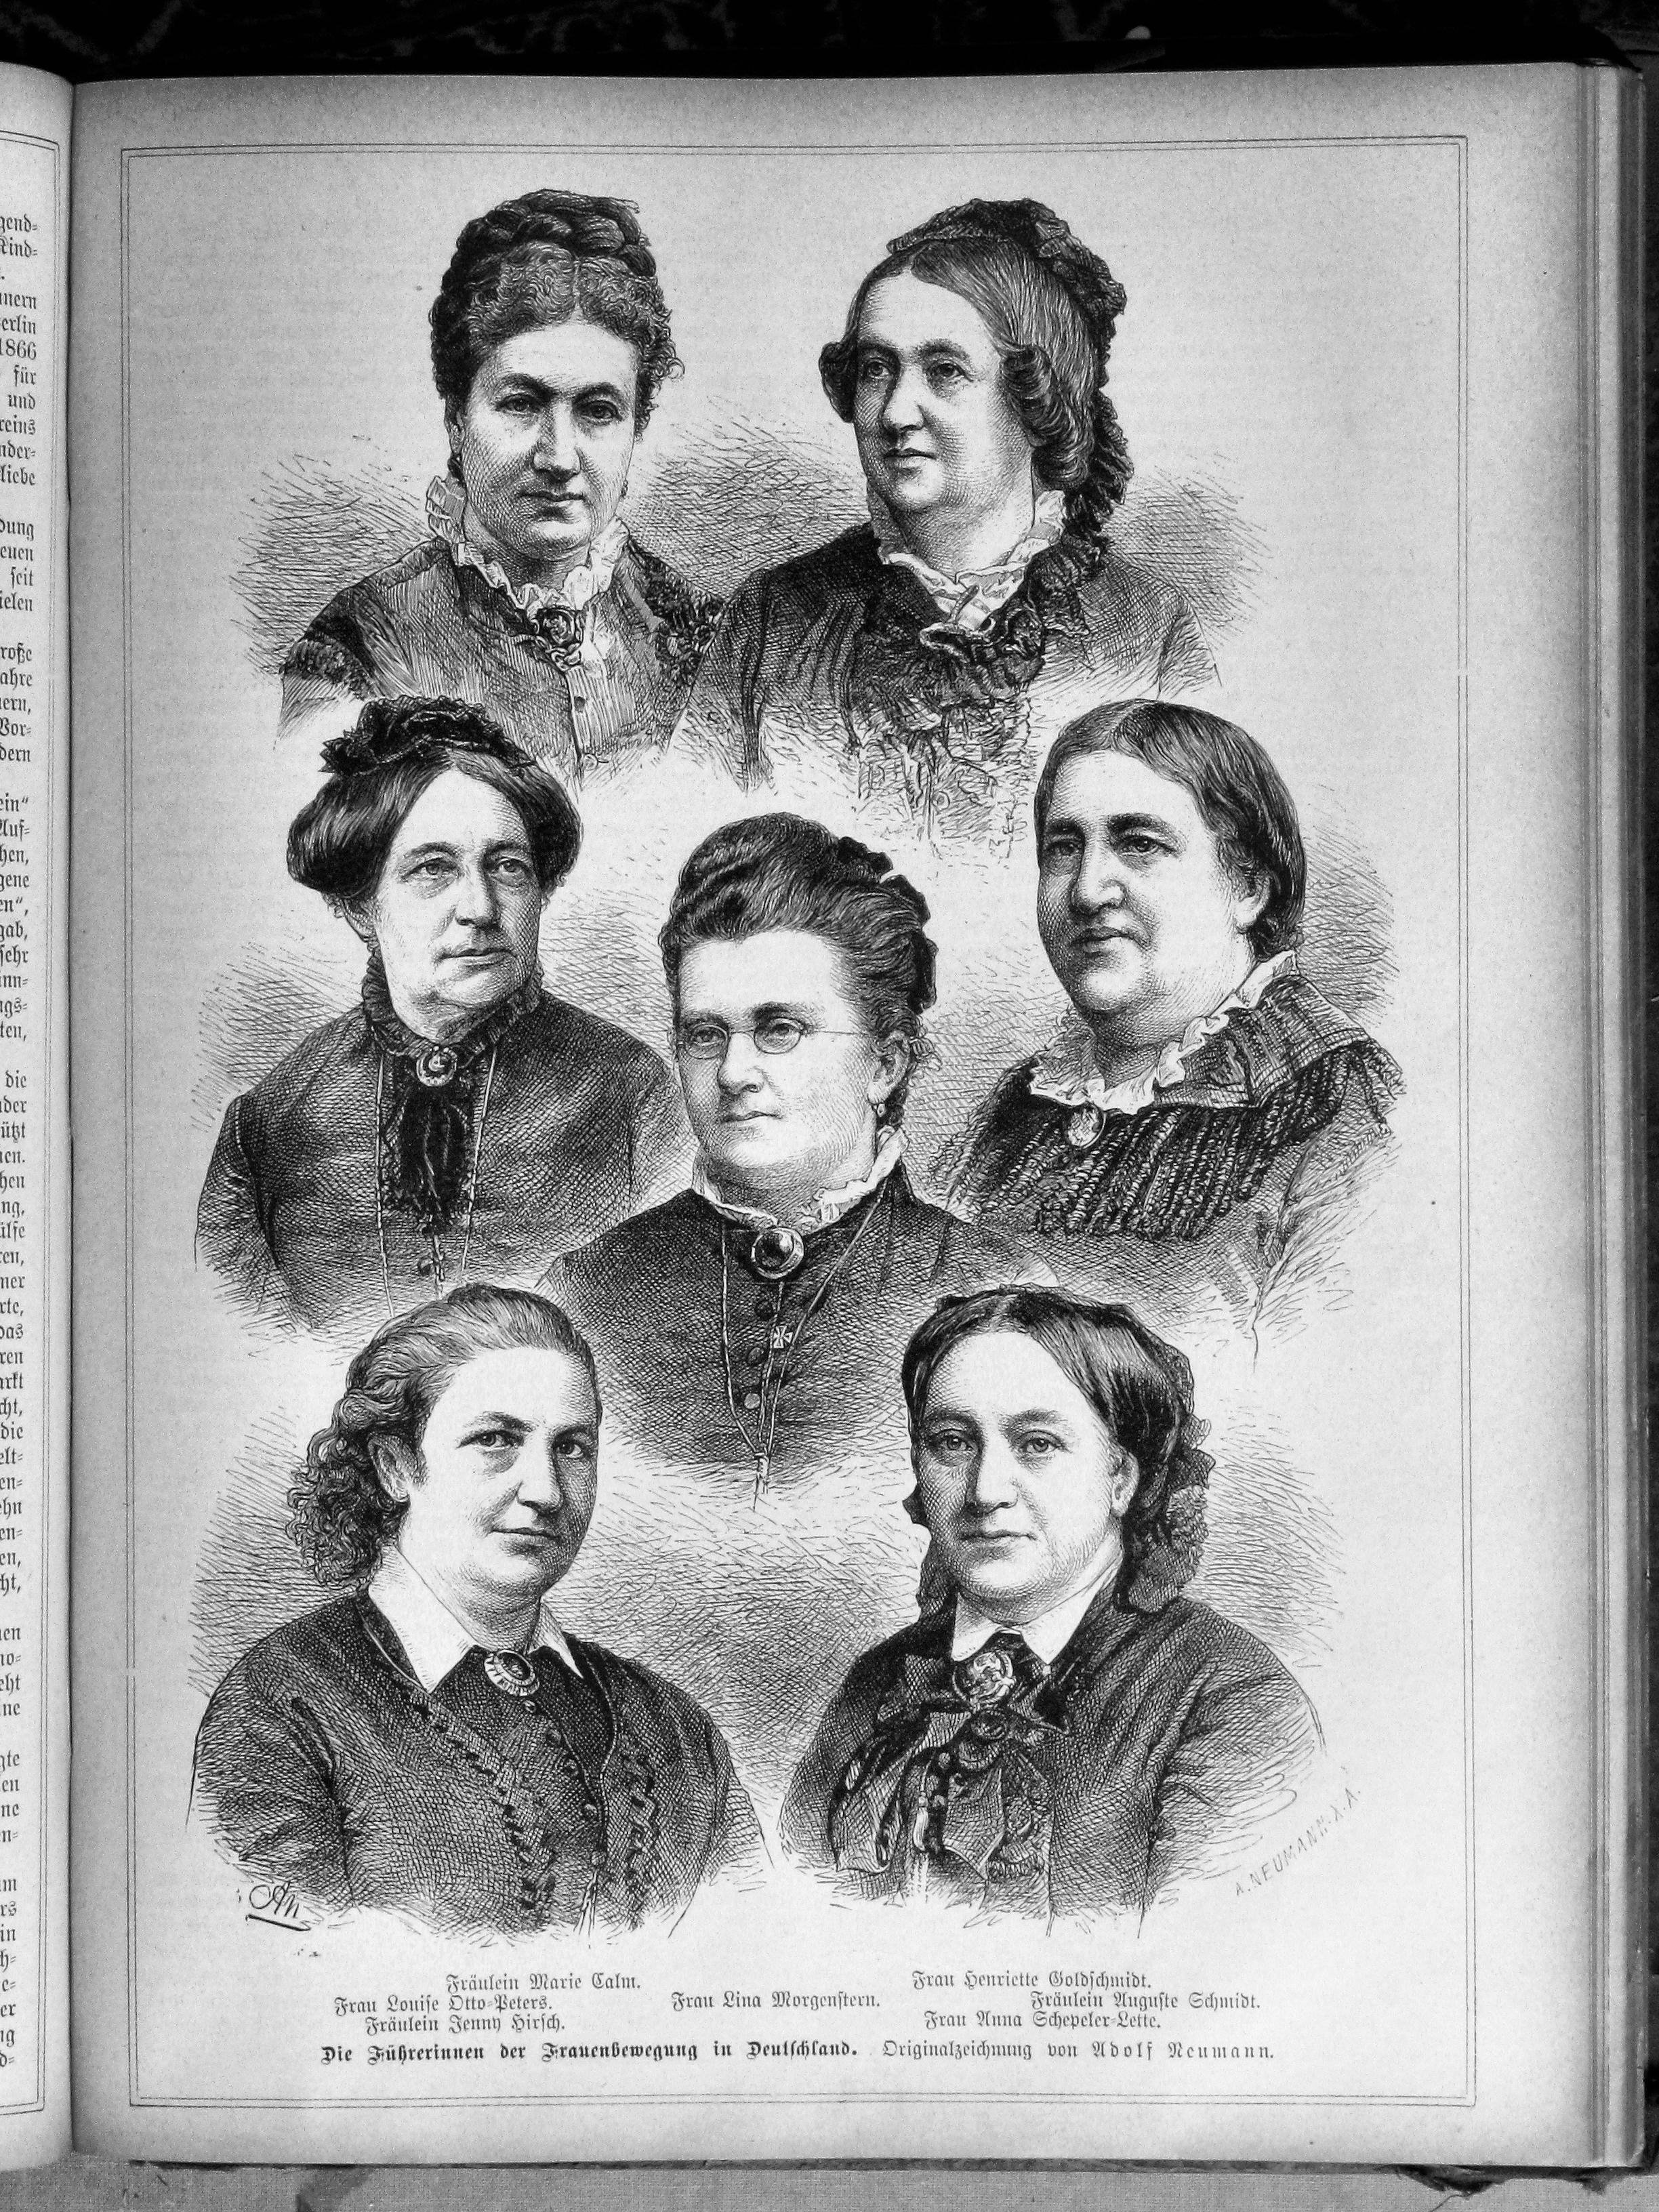Die Führerinnen der Frauenbewegung in Deutschland. Originalzeichnung von Adolf Neumann.
Fräulein Marie Calm. Frau Henriette Goldschmidt.
Frau Louise Otto-Peters. Frau Lina Morgenstern. Fräulein Auguste Schmidt.
Fräulein Jenny Hirsch. Frau Anna Schepeler-Lette.
